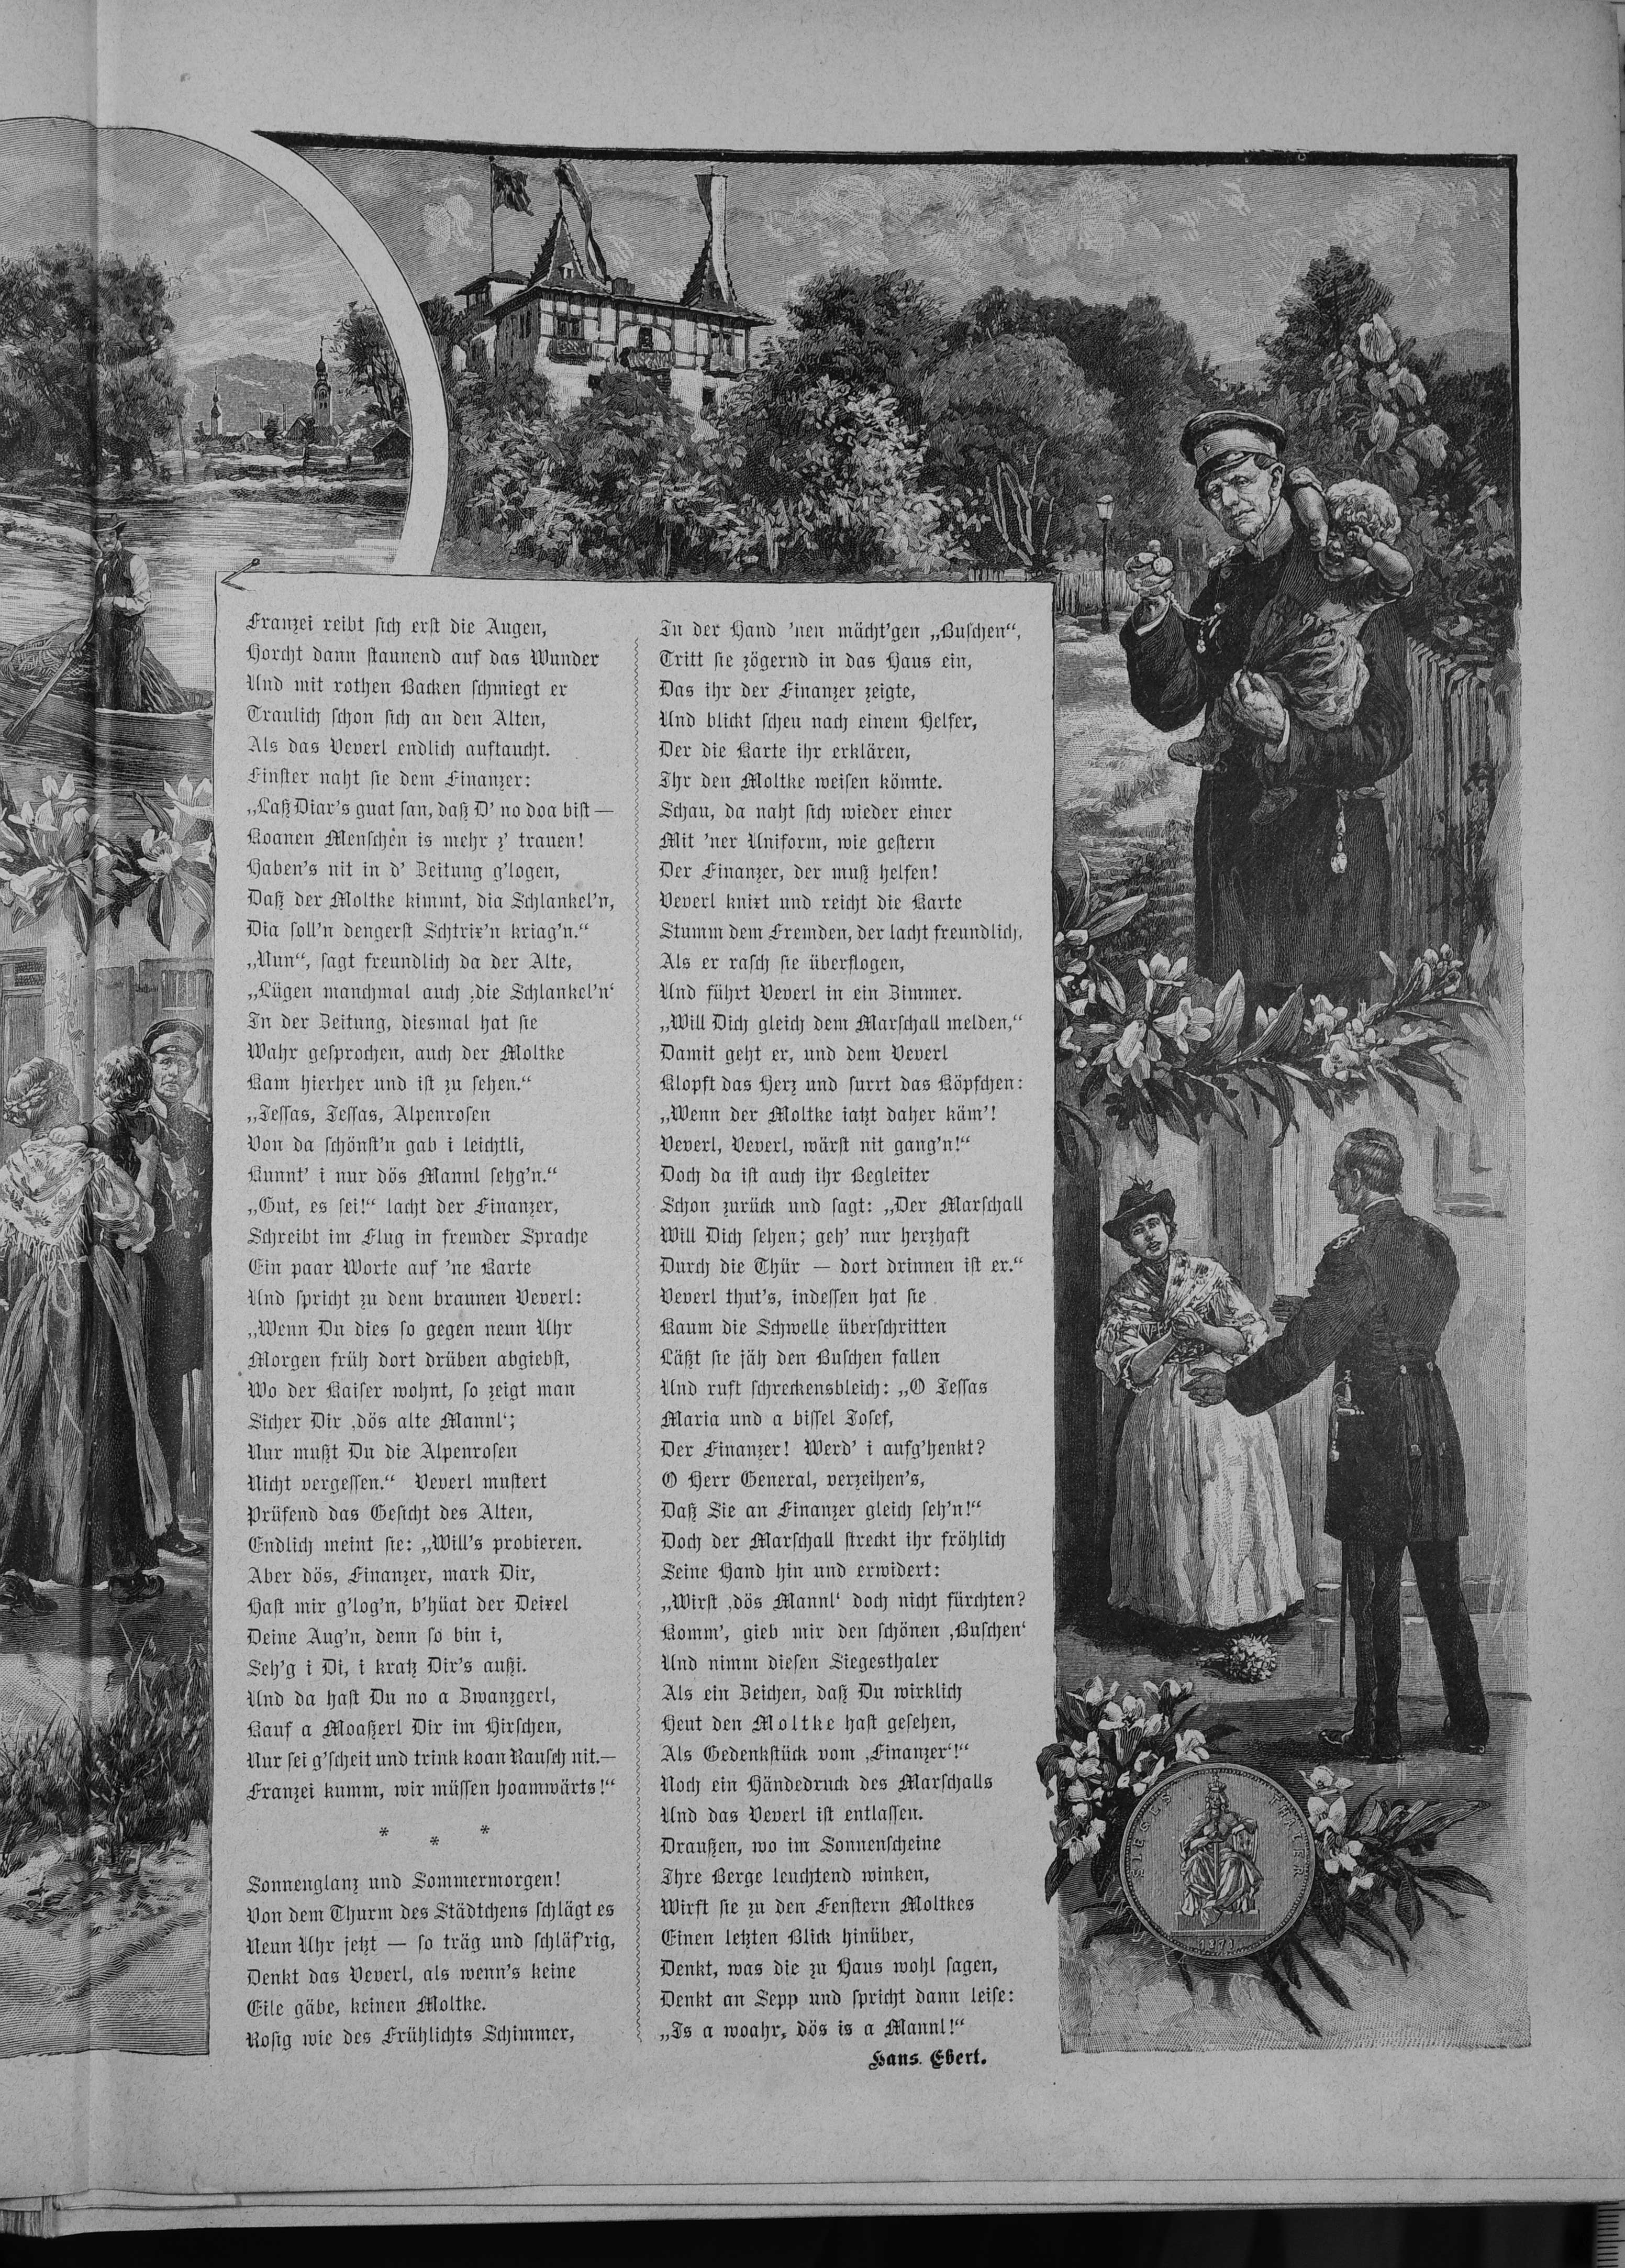Franzei reibt sich erst die Augen,
Horcht dann staunend auf das Wunder
Und mit rothen Backen schmiegt er
Traulich schon sich an den Alten,
Als das Veverl endlich auftaucht.
Finster naht sie dem Finanzer:
„Laß Diar’s guat san, daß D’ no doa bist –
Koanen Menschen is mehr z’ trauen!
Haben’s nit in d’ Zeitung g’logen,
Daß der Moltke kimmt, dia Schlankel’n,
Dia soll’n dengerst Schtrix’n kriag’n.“
„Nun“, sagt freundlich da der Alte,
„Lügen manchmal auch die Schlankel’n’
In der Zeitung, diesmal hat sie
Wahr gesprochen, auch der Moltke
Kam hierher und ist zu sehen.“
„Jessas, Jessas, Alpenrosen
Von da schönst’n gab i leichtli,
Kunnt’ i nur dös Mannl sehg’n.“
„Gut, es sei!“ lacht der Finanzer,
Schreibt im Flug in fremder Sprache
Ein paar Worte auf ’ne Karte
Und spricht zu dem braunen Veverl:
„Wenn Du dies so gegen neun Uhr
Morgen früh dort drüben abgiebst,
Wo der Kaiser wohnt, so zeigt man
Sicher Dir ,dös alte Mannl’;
Nur mußt Du die Alpenrosen
Nicht vergessen.“ Veverl mustert
Prüfend das Gesicht des Alten,
Endlich meint sie: „Will’s probieren.
Aber dös, Finanzer, mark Dir,
Hast mir g’log’n, b’hüat der Deixel
Deine Aug’n, denn so bin i,
Seh’g i Di, i kratz Dir’s außi.
Und da hast Du no a Zwanzgerl,
Kauf a Moaßerl Dir im Hirschen,
Nur sei g’scheit und trink koan Rausch nit. –
Franzei kumm, wir müssen hoamwärts!“

* *
*

Sonnenglanz und Sommermorgen!
Von dem Thurm des Städtchens schlägt es
Neun Uhr jetzt – so träg und schläf’rig,
Denkt das Veverl, als wenn’s keine
Eile gäbe, keinen Moltke.
Rosig wie des Frühlichts Schimmer,
In der Hand ’nen mächt’gen „Buschen“,
Tritt sie zögernd in das Haus ein,
Das ihr der Finanzer zeigte,
Und blickt scheu nach einem Helfer,
Der die Karte ihr erklären,
Ihr den Moltke weisen könnte.
Schau, da naht sich wieder einer
Mit ’ner Uniform, wie gestern
Der Finanzer, der muß helfen!
Veverl knixt und reicht die Karte
Stumm dem Fremden, der lacht freundlich,
Als er rasch sie überflogen,
Und führt Veverl in ein Zimmer.
„Will Dich gleich dem Marschall melden,“
Damit geht er, und dem Veverl
Klopft das Herz und surrt das Köpfchen:
„Wenn der Moltke iatzt daher käm’!
Veverl, Veverl, wärst nit gang’n!“
Doch da ist auch ihr Begleiter
Schon zurück und sagt: “Der Marschall
Will Dich sehen; geh’ nur herzhaft
Durch die Thür – dort drinnen ist er.“
Veverl thut’s, indessen hat sie
Kaum die Schwelle überschritten
Läßt sie jäh den Buschen fallen
Und ruft schreckensbleich: „O Jessas
Maria und a bissel Josef,
Der Finanzer! Werd’ i aufg’henkt?
O Herr General, verzeihen’s,
Daß sie an Finanzer gleich seh’n!“
Doch der Marschall streckt ihr fröhlich
Seine Hand hin und erwidert:
„Wirst ,dös Mannl’ doch nicht fürchten?
Komm’, gieb mir den schönen ,Buschen’
Und nimm diesen Siegesthaler
Als ein Zeichen, daß Du wirklich
Heut den Moltke hast gesehen,
Als Gedenkstück vom ,Finanzer’!“
Noch ein Händedruck des Marschalls
Und das Veverl ist entlassen.
Draußen, wo im Sonnenscheine
Ihre Berge leuchtend winken,
Wirft sie zu den Fenstern Moltkes
Einen letzten Blick hinüber,
Denkt, was die zu Haus wohl sagen,
Denkt an Sepp und spricht dann leise:
„Is a woahr, dös is a Mannl!“

Hans Ebert.
